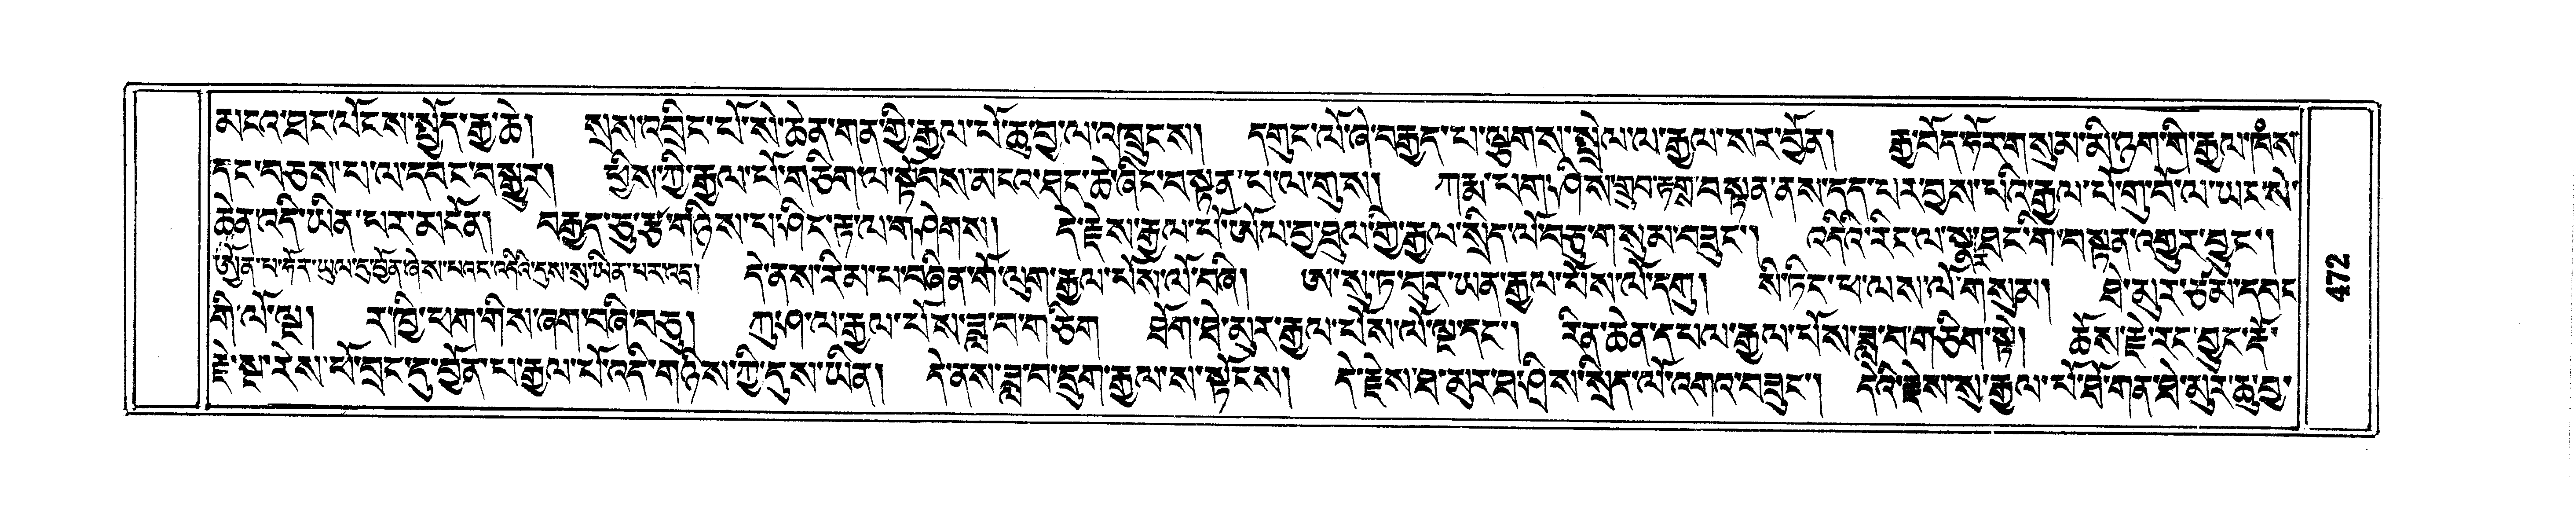མངའ་ཐང་ལོངས་སྤྱོད་རྒྱ་ཆེ། སྲས་འབྲིང་པོ་སེ་ཆེན་གན་གྱི་རྒྱལ་པོ་ཆུ་བྱ་ལ་འཁྲུངས། དགུང་ལོ་ཞེ་བརྒྱད་པ་ལྕགས་སྤྲེལ་ལ་རྒྱལ་སར་བྱོན། རྒྱ་བོད་ཧོར་གསུམ་མི་ཉག་གི་རྒྱལ་ཁཾས་
དང་བཅས་པ་ལ་དབང་བསྒྱུར། ཕྱིས་ཀྱི་རྒྱལ་པོ་གཅིག་ལ་སྟོབས་མངའ་ཐང་ཆེ་ཞིང་བསྟན་པ་ལ་གུས། ཀརྨ་པག་ཤིས་གྲུབ་རྟགས་བསྟན་ནས་དད་པར་བྱས་པའི་རྒྱལ་པོ་གུ་བོ་ལ་ཡང་སེ་
ཆེན་འདི་ཡིན་པར་མངོན། བརྒྱད་ཅུ་རྩ་གཉིས་པ་ཤིང་རྟ་ལ་གཤེགས། དེ་རྗེས་རྒྱལ་པོ་ཨོལ་བྱ་ཐུལ་གྱི་རྒྱལ་སྲིད་ལོ་བཅུ་གསུམ་བཟུང་། འདིའི་རིང་ལ་སྣ་ར་ཐང་གི་བསྟན་འགྱུར་བྱུང་།
ཨཡོན་པ་ཧོར་ཡུལ་དུ་བྱོན་ཞེས་པའང་འདིའི་དུས་སུ་ཡིན་པར་འདྲ།  དེ་ནས་རིམ་པ་བཞིན་གོ་ལུག་རྒྱལ་པོས་ལོ་བཞི། ཨ་སུ་ཏ་བུར་ཡན་རྒྱལ་པོས་ལོ་དགུ། སི་ཏིང་ཕ་ལས་ལོ་གསུམ། ཐེ་མུར་ཙམ་དབང་
གི་ལོ་ལྔ། ར་ཁྱི་ཕག་གིས་ཞག་བཞི་བཅུ། ཀུ་ཤ་ལ་རྒྱལ་པོས་ཟླ་བ་གཅིག་ཐོག་ཐེ་མུར་རྒྱལ་པོས་ལོ་ལྔ་དང་། རིན་ཆེན་དཔལ་རྒྱལ་པོས་ཟླ་བ་གཅིག་སྟེ། ཆོས་རྗེ་རང་བྱུང་རྡོ་
རྗེ་སྔ་རེས་ཕོ་བྲང་དུ་བྱོན་པ་རྒྱལ་པོ་འདི་གཉིས་ཀྱི་དུས་ཡིན། དེ་ནས་ཟླ་བ་དྲུག་རྒྱལ་ས་སྟོངས། དེ་རྗེས་ཐ་མུར་ཐ་ཤྲིས་སྲིད་ལོ་འགའ་བཟུང་། དེའི་རྗེས་སུ་རྒྱལ་པོ་ཐོ་གན་ཐེ་མུར་ཆུ་བྱ་